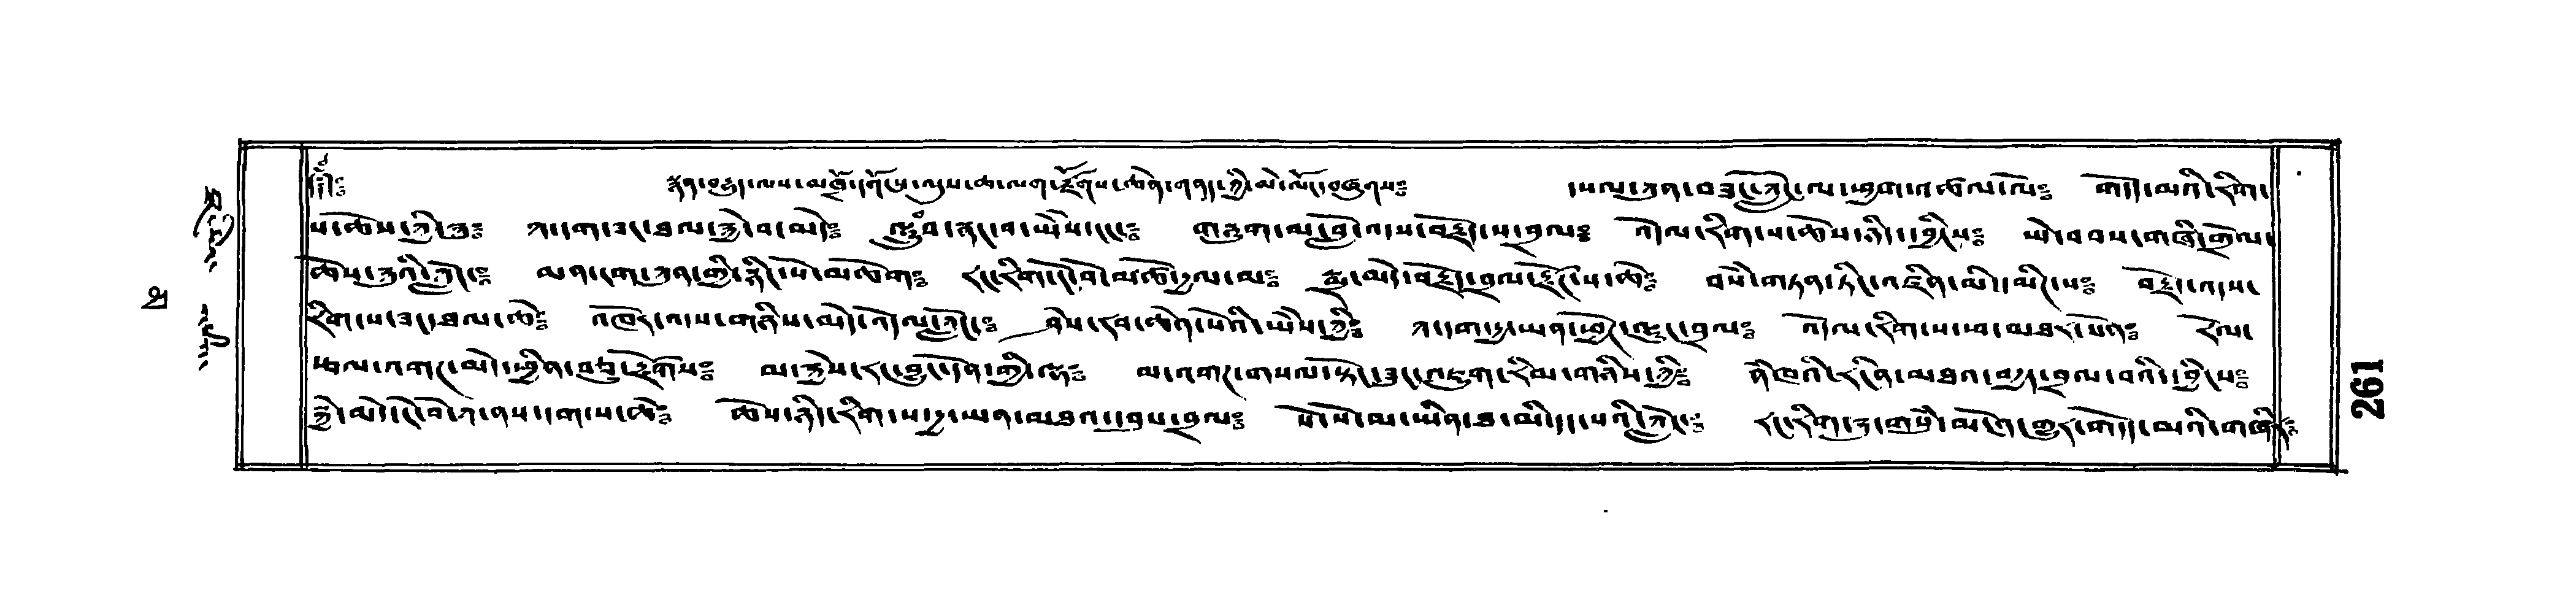སྙན་བརྒྱུད་ལས་མཁའ་འགྲོ་དགོངས་འདུས་ཀྱི་ཆ་ལག་རྫོགས་ཆེན་གནད་ཀྱི་མེ་ལོང་བཞུགས༔ དཔལ་ཀུན་བཟང་ཀློང་ལ་ཕྱག་འཚལ་ལོ༔ གདོད་མའི་རིག་
པ་ཆོས་ཀྱི་སྐུ༔ ཀ་དག་ཟང་ཐལ་སྐྱེ་བ་མེད༔ ལྷུན་གྲུབ་སྣང་བ་ཡེ་ཤེས་ངང༔ གཉུག་མ་བློ་འདས་བརྗོད་པ་བྲལ༔ འོད་གསལ་རིག་པ་ཆོས་ཉིད་དབྱིངས༔ ཡེ་བབས་གཞི་གྲོལ་
ཆོས་སྐུའི་ཀློང༔ མན་ངག་ཀུན་གྱི་སྙིང་པོ་མཆོག༔ རང་རིག་ངོ་བོ་མཚོ་རྒྱལ་མ༔ སྨྲ་མེད་བརྗོད་བྲལ་རྫོགས་པ་ཆེ༔ བསམ་གཏན་ཏིང་འཛིན་མི་དམིགས་པ༔ བརྗོད་འདས་
རིག་པ་ཟང་ཐལ་ཆེ༔ འཁོར་འདས་གཉིས་མེད་འོད་གསལ་ཀློང༔ ཤེས་རབ་ཆེན་པོའི་ཡེ་ཤེས་ཀྱི༔ ཀ་དག་རྒྱ་ཡན་ཕྱོགས་ལྷུང་བྲལ༔ འོད་གསལ་རིག་པ་ཕ་མཐར་སོན༔ རོལ་
སྩལ་འགགས་མེད་ཕྱིན་བཅུ་རྫོགས༔ མ་སྐྱེས་རང་བྱུང་དོན་གྱི་ལྷ༔ མ་འགགས་གསལ་སྟོང་ཟུང་འཇུག་རིམ་གཉིས་ཀྱི༔ ནམ་མཁའི་རང་བཞིན་མཐའ་བརྒྱད་བྲལ་བའི་དབྱིངས༔ 
སྐྱེ་མེད་ངོ་བོ་ཀ་ནས་དག་པ་ཆེ༔ ཆོས་ཉིད་རིག་པ་རྒྱ་ཡན་མཐའ་དབུས་བྲལ༔ སོ་སོ་མ་ཡིན་ཐ་མི་དད་པའི་ཀློང༔ རང་རིག་སྐུ་གསུམ་མངོན་གྱུར་གདོད་མའི་གཞིར༔